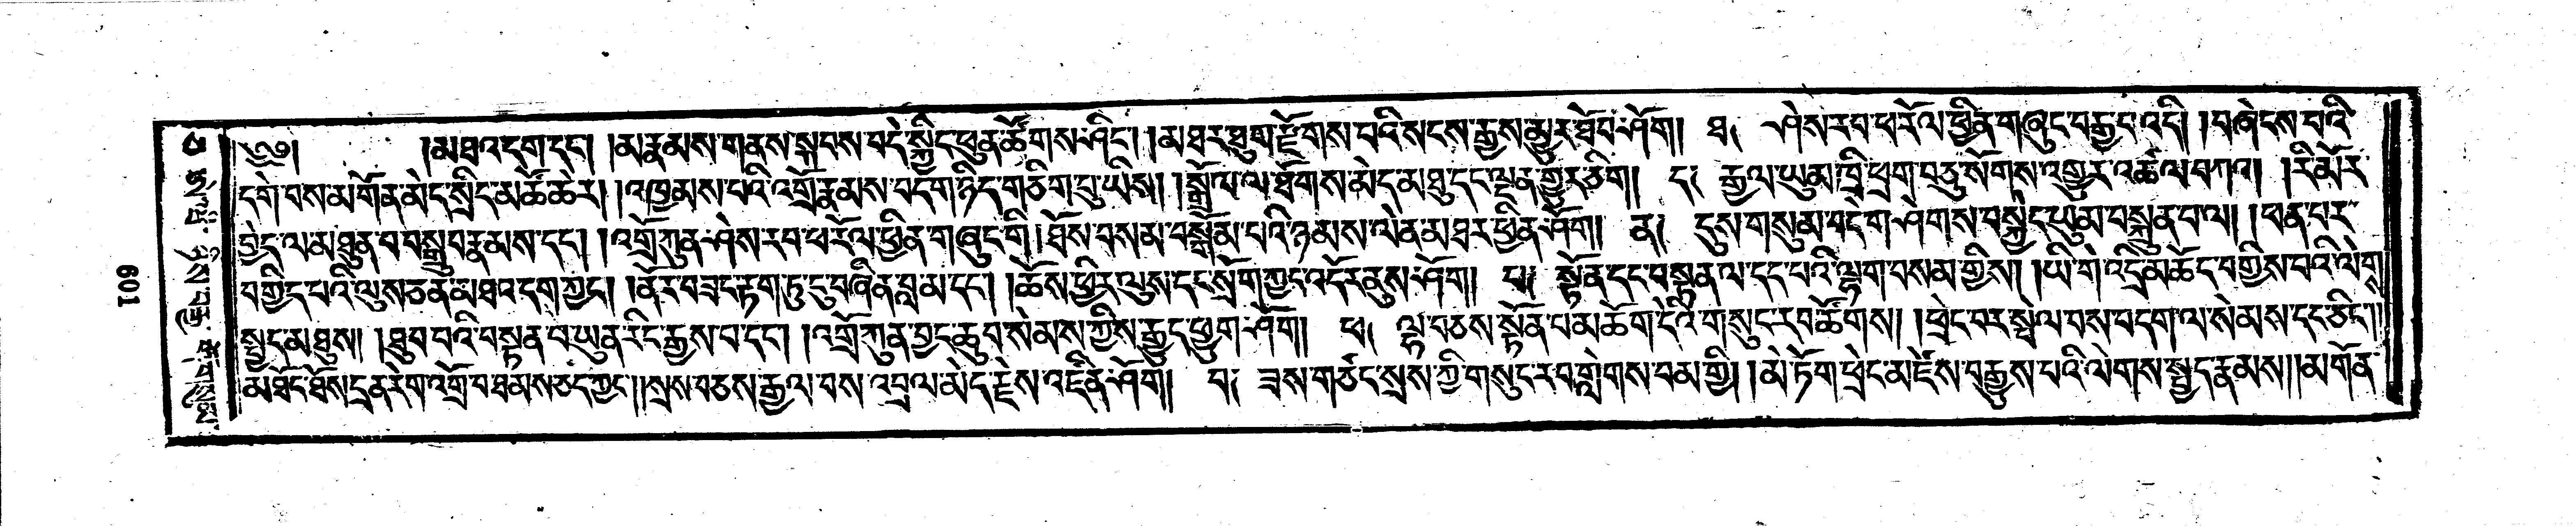༄༅། །མཐའ་དག་དང་། །མ་རྣམས་གནས་སྐབས་བདེ་སྐྱིད་ཕུན་ཚོགས་ཤིང་། །མཐར་ཐུག་རྫོགས་པའི་སངས་རྒྱས་མྱུར་ཐོབ་ཤོག །ཐ༑ ཤེས་རབ་ཕ་རོལ་ཕྱིན་གཞུང་བརྒྱ་པ་འདི། །བཞེངས་པའི་
དགེ་བས་མགོན་མེད་སྲིད་མཚོ་ཆེར། །འཁྱམས་པའི་འགྲོ་རྣམས་བདག་ཉིད་གཅིག་པུ་ཡིས། །སྒྲོལ་ལ་ཐོགས་མེད་མཐུ་དང་ལྡན་གྱུར་ཅིག །ད༑ རྒྱལ་ཡུམ་ཁྲི་ཕྲག་བཅུ་སོགས་འགྱུར་འཚལ་བཀའ། །རི་མོར་
བྱེད་ལ་མཐུན་པ་བསྒྲུབ་རྣམས་དང་། །འགྲོ་ཀུན་ཤེས་རབ་ཕ་རོལ་ཕྱིན་གཞུང་གི །ཐོས་བསམ་བསྒོམ་པའི་ཉམས་ལེན་མཐར་ཕྱིན་ཤོག །ན༑ དུས་གསུམ་བདེ་གཤེགས་བསྐྱེད་ཡུམ་བསྐྲུན་པ་ལ། །ཕན་པར་
བགྱིད་པའི་ལུས་ཅན་མཐའ་དག་ཀྱང་། །ནོར་བཟང་རྟག་ཏུ་ངུ་བཞིན་བླ་མ་དང་། །ཆོས་ཕྱིར་ལུས་དང་སྲོག་ཀྱང་འདོར་ནུས་ཤོག །པ༑ སྟོན་དང་བསྟན་ལ་དད་པའི་ལྷག་བསམ་གྱིས། །ཡི་གེ་འདྲི་མཆོད་བགྱིས་པའི་ལེགས་
སྤྱད་མཐུས། །ཐུབ་པའི་བསྟན་པ་ཡུན་རིང་རྒྱས་པ་དང་། །འགྲོ་ཀུན་བྱང་ཆུབ་སེམས་ཀྱིས་རྒྱུད་ཕྱུག་ཤོག །ཕ༑ ལྷ་བཅས་སྟོན་པ་མཆོག་དེའི་གསུང་རབ་ཚོགས། །ཕྲེང་བར་སྤེལ་བས་བདག་ལ་སེམས་དང་ཅིང་། །
མཐོང་ཐོས་དྲན་རེག་འགྲོ་བ་ཐམས་ཅད་ཀྱང་། །སྲས་བཅས་རྒྱལ་བས་འབྲལ་མེད་རྗེས་འཛིན་ཤོག །བ༑ ཟས་གཙང་སྲས་ཀྱི་གསུང་རབ་གླེགས་བམ་གྱི། །མེ་ཏོག་ཕྲེང་མཛེས་བརྒྱུས་པའི་ལེགས་སྤྱད་རྣམས། །མགོན་